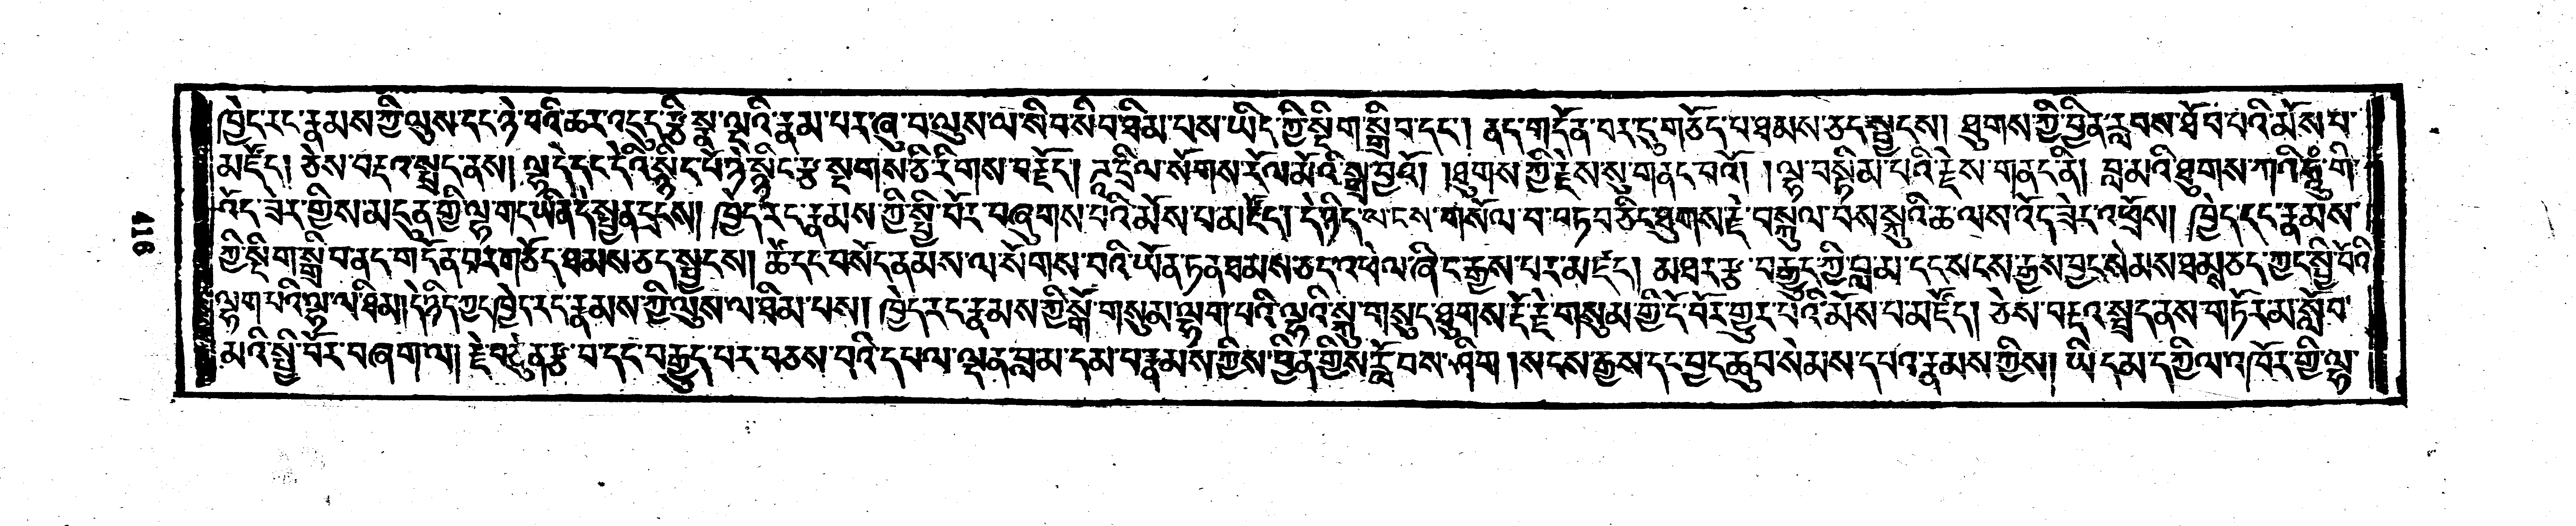ཁྱེད་རང་རྣམས་ཀྱི་ལུས་དང་ཉེ་བའི་ཆར་བདུད་རྩི་སྣ་ལྔའི་རྣམ་པར་ཞུ་བ་ལུས་ལ་སིབ་སིབ་ཐིམ་པས་ཡིད་ཀྱི་སྡིག་སྒྲིབ་དང་། ནད་གདོན་བར་དུ་གཅོད་པ་ཐམས་ཅད་སྦྱངས། ཐུགས་ཀྱི་བྱིན་རླབས་ཐོབ་པའི་མོས་པ་
མཛོད། ཅེས་བརྡའ་སྤྲད་ནས། ལྷ་དེ་དང་དེའི་སྙིང་པོ་ཉེ་སྙིང་རྩ་སྔགས་ཅི་རིགས་བརྗོད། ཌཱ་དྲིལ་སོགས་རོལ་མོའི་སྒྲ་བྱའོ། །ཐུགས་ཀྱི་རྗེས་སུ་གནང་བའོ། །ལྷ་བསྟིམ་པའི་རྗེས་གནང་ནི། བླ་མའི་ཐུགས་ཀའི་ཧཱུཾ་གི་
འོད་ཟེར་གྱིས་མདུན་གྱི་ལྷ་གང་ཡིན་དེ་སྤྱན་དྲངས། ཁྱེད་རང་རྣམས་ཀྱི་སྤྱི་བོར་བཞུགས་པའི་མོས་པ་མཛོད། དེ་ཉིད་ལ་ངས་གསོལ་བ་བཏབ་ཅིང་ཐུགས་རྗེ་བསྐུལ་བས་སྐུའི་ཆ་ལས་འོད་ཟེར་འཕྲོས། ཁྱེད་རང་རྣམས་
ཀྱི་སྡིག་སྒྲིབ་ནད་གདོན་བར་གཅོད་ཐམས་ཅད་སྦྱངས། ཚེ་དང་བསོད་ནམས་ལ་སོགས་པའི་ཡོན་ཏན་ཐམས་ཅད་འཕེལ་ཞིང་རྒྱས་པར་མཛད། མཐར་རྩ་བརྒྱུད་ཀྱི་བླ་མ་དང་སངས་རྒྱས་བྱང་སེམས་ཐམས་ཅད་ཀྱང་སྤྱི་བོའི་
ལྷག་པའི་ལྷ་ལ་ཐིམ། དེ་ཉིད་ཀྱང་ཁྱེད་རང་རྣམས་ཀྱི་ལུས་ལ་ཐིམ་པས། ཁྱེད་རང་རྣམས་ཀྱི་སྒོ་གསུམ་ལྷག་པའི་ལྷའི་སྐུ་གསུང་ཐུགས་རྡོ་རྗེ་གསུམ་གྱི་ངོ་བོར་གྱུར་པའི་མོས་པ་མཛོད། ཅེས་བརྡའ་སྤྲད་ནས་གཏོར་མ་སློབ་
མའི་སྤྱི་བོར་བཞག་ལ། རྗེ་བཙུན་རྩ་བ་དང་བརྒྱུད་པར་བཅས་པའི་དཔལ་ལྡན་བླ་མ་དམ་པ་རྣམས་ཀྱིས་བྱིན་གྱིས་རློབས་ཤིག །སངས་རྒྱས་དང་བྱང་ཆུབ་སེམས་དཔའ་རྣམས་ཀྱིས། ཡི་དམ་དཀྱིལ་འཁོར་གྱི་ལྷ་